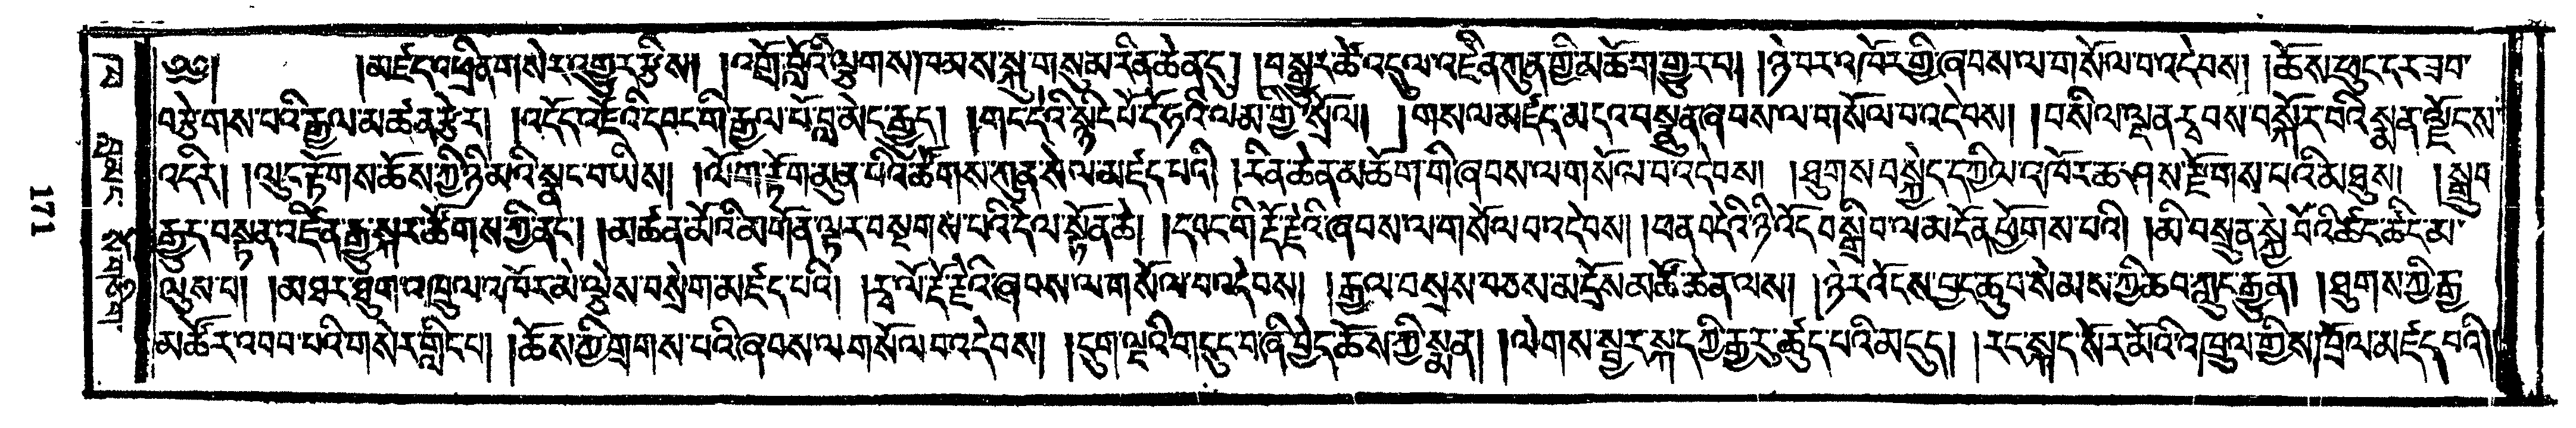༄༅། །མཛད་འཕྲིན་གསེར་འགྱུར་རྩིས། །འགྲོ་བློའི་ལྕགས་ཁམས་སྐུ་གསུམ་རིན་ཆེན་དུ། །བསྒྱུར་ཚེ་འདུལ་འཛིན་ཀུན་གྱི་མཆོག་གྱུར་པ། །ཉེ་བར་འཁོར་གྱི་ཞབས་ལ་གསོལ་བ་འདེབས། །ཆོས་ཕུང་ངར་ཟབ་
བརྩེགས་པའི་རྒྱལ་མཚན་རྩེར། །འདོད་འཇོའི་དབང་གི་རྒྱལ་བོ་བླ་མེད་རྒྱུད། །གང་དེའི་སྙིང་པོ་དོ་ལྷའི་ལམ་གྱི་སྲོལ། །གསལ་མཛད་མདའ་བསྣུན་ཞབས་ལ་གསོལ་བ་འདེབས། །བསིལ་ལྡན་རྭ་བས་བསྐོར་བའི་སྨན་ལྗོངས་
འདིར། །ལུང་རྟོགས་ཆོས་ཀྱི་ཉི་མའི་སྣང་བ་ཡིས། །ལོག་རྟོག་མུན་པའི་ཚོགས་ཀུན་སེལ་མཛད་པའི། །རིན་ཆེན་མཆོག་གི་ཞབས་ལ་གསོལ་བ་འདེབས། །ཐུགས་བསྐྱེད་དཀྱིལ་འཁོར་ཆ་ཤས་རྫོགས་པའི་མཐུས། །སྒྲུབ་
རྒྱུད་བསྟན་འཛིན་རྒྱུ་སྐར་ཚོགས་ཀྱི་ནང་། །མཚན་མོའི་མགོན་ལྟར་བསྔགས་པའི་དེལ་སྟོན་ཆེ། །དབང་གི་རྡོ་རྗེའི་ཞབས་ལ་གསོལ་བ་འདེབས། །ཕན་བདེའི་ཉི་འོད་བསྒྲིབ་ལ་མངོན་ཕྱོགས་པའི། །མི་བསྲུན་སྐྱེ་བོའི་ཚང་ཚིད་མ་
ལུས་པ། །མཐར་ཐུག་འཁྲུལ་འཁོར་མེ་ལྕེས་བསྲེག་མཛད་པའི། །རྭ་ལོ་རྡོ་རྗེའི་ཞབས་ལ་གསོལ་བ་འདེབས། །རྒྱལ་བ་སྲས་བཅས་མ་དྲོས་མཚོ་ཆེན་ལས། །ཉེར་འོངས་བྱང་ཆུབ་སེམས་ཀྱི་ཆབ་ཀླུང་རྒྱུན། །ཐུགས་ཀྱི་རྒྱ་
མཚོར་འབབ་པའི་གསེར་གླིང་པ། །ཆོས་ཀྱི་གྲགས་པའི་ཞབས་ལ་གསོལ་བ་འདེབས། །དུག་ལྔའི་གདུང་བ་ཞི་བྱེད་ཆོས་ཀྱི་སྨན། །ལེགས་སྦྱར་སྐད་ཀྱི་རྒྱ་རུ་ཚུད་པའི་མདུད། །རང་སྐད་སོར་མོའི་འཁྲུལ་གྱིས་ཁྲོལ་མཛད་བའི།